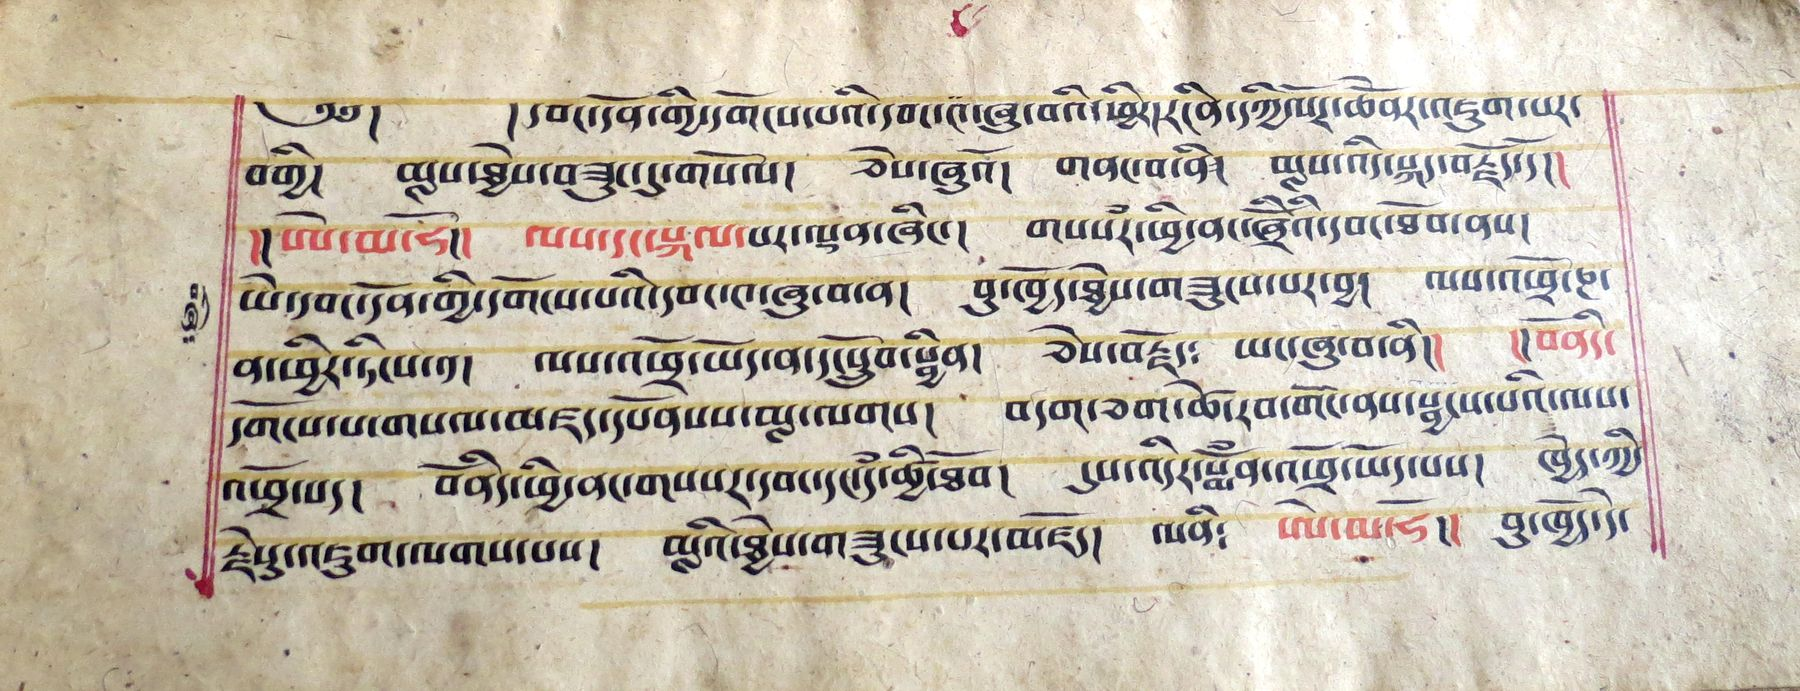དབང་དོན་གྱི་དགོངས་པའི་དབང་ཞུ་བའི་ཕྱིར། ། རང་བཞིན་དཀྱིལ་འཁོར་ཆེན་པོར་འཇུག་པར་
བགྱི། ། བླ་མའི་ཐུགས་རྗེས་བཟུང་དུ་གསོལ། ། ཞེས་ཞུའོ། ། གནང་བ་ནི་བླ་མས་འདི་སྐད་བརྗོད་དོ། ། 
ཨེ་མ་ཧོ། ལས་དང་སྐལ་བར་ལྡན་པ་ཡི། ། གསས་མཁར་ཕྱི་ནང་ཞི་ཁྲོའི་དབང་ཐོབ་ནས། ། 
ཡེ་དག་དོན་གྱི་དགོངས་པའི་དབང་བཞི་ཞུ་བ་ནི། ། བུ་ཁྱོད་ཐུགས་རྗེས་གཟུང་བར་བྱ། ། ལས་འཕྲོ་མེད་
ན་ཕྱིར་དེངས་ཤིག། ལས་འཕྲོ་ཡོད་ན་དངོས་གྲུབ་སྦྱིན། ། ཞེས་བརྗོད་དོ། ། ཡང་ཞུ་བ་ནི། བོན་ཉིད་
དགོངས་པ་གསལ་མཛད་དཔོན་གསས་བླ་མ་ལགས། ། བདག་ཅག་ཚེ་རབས་གོང་ནས་སྦྱངས་པའི་ལས་
འཕྲོ་སད། ། བོན་ཉིད་གསས་མཁར་ཕྱི་ནང་དབང་དང་གནང་བ་ཐོབ། ། དུས་འདིར་སྨོན་ལམ་འཕྲོ་ཡོད་ཅིང་། ། ཁྱོད་ཀྱི་
རྗེས་སུ་འཇུག་ལགས་པས། ། བླ་མའི་ཐུགས་རྗེས་བཟུང་བར་མཛོད། ། ལན་ནི། ཨེ་མ་ཧོ། བུ་ཁྱོད་དེ་